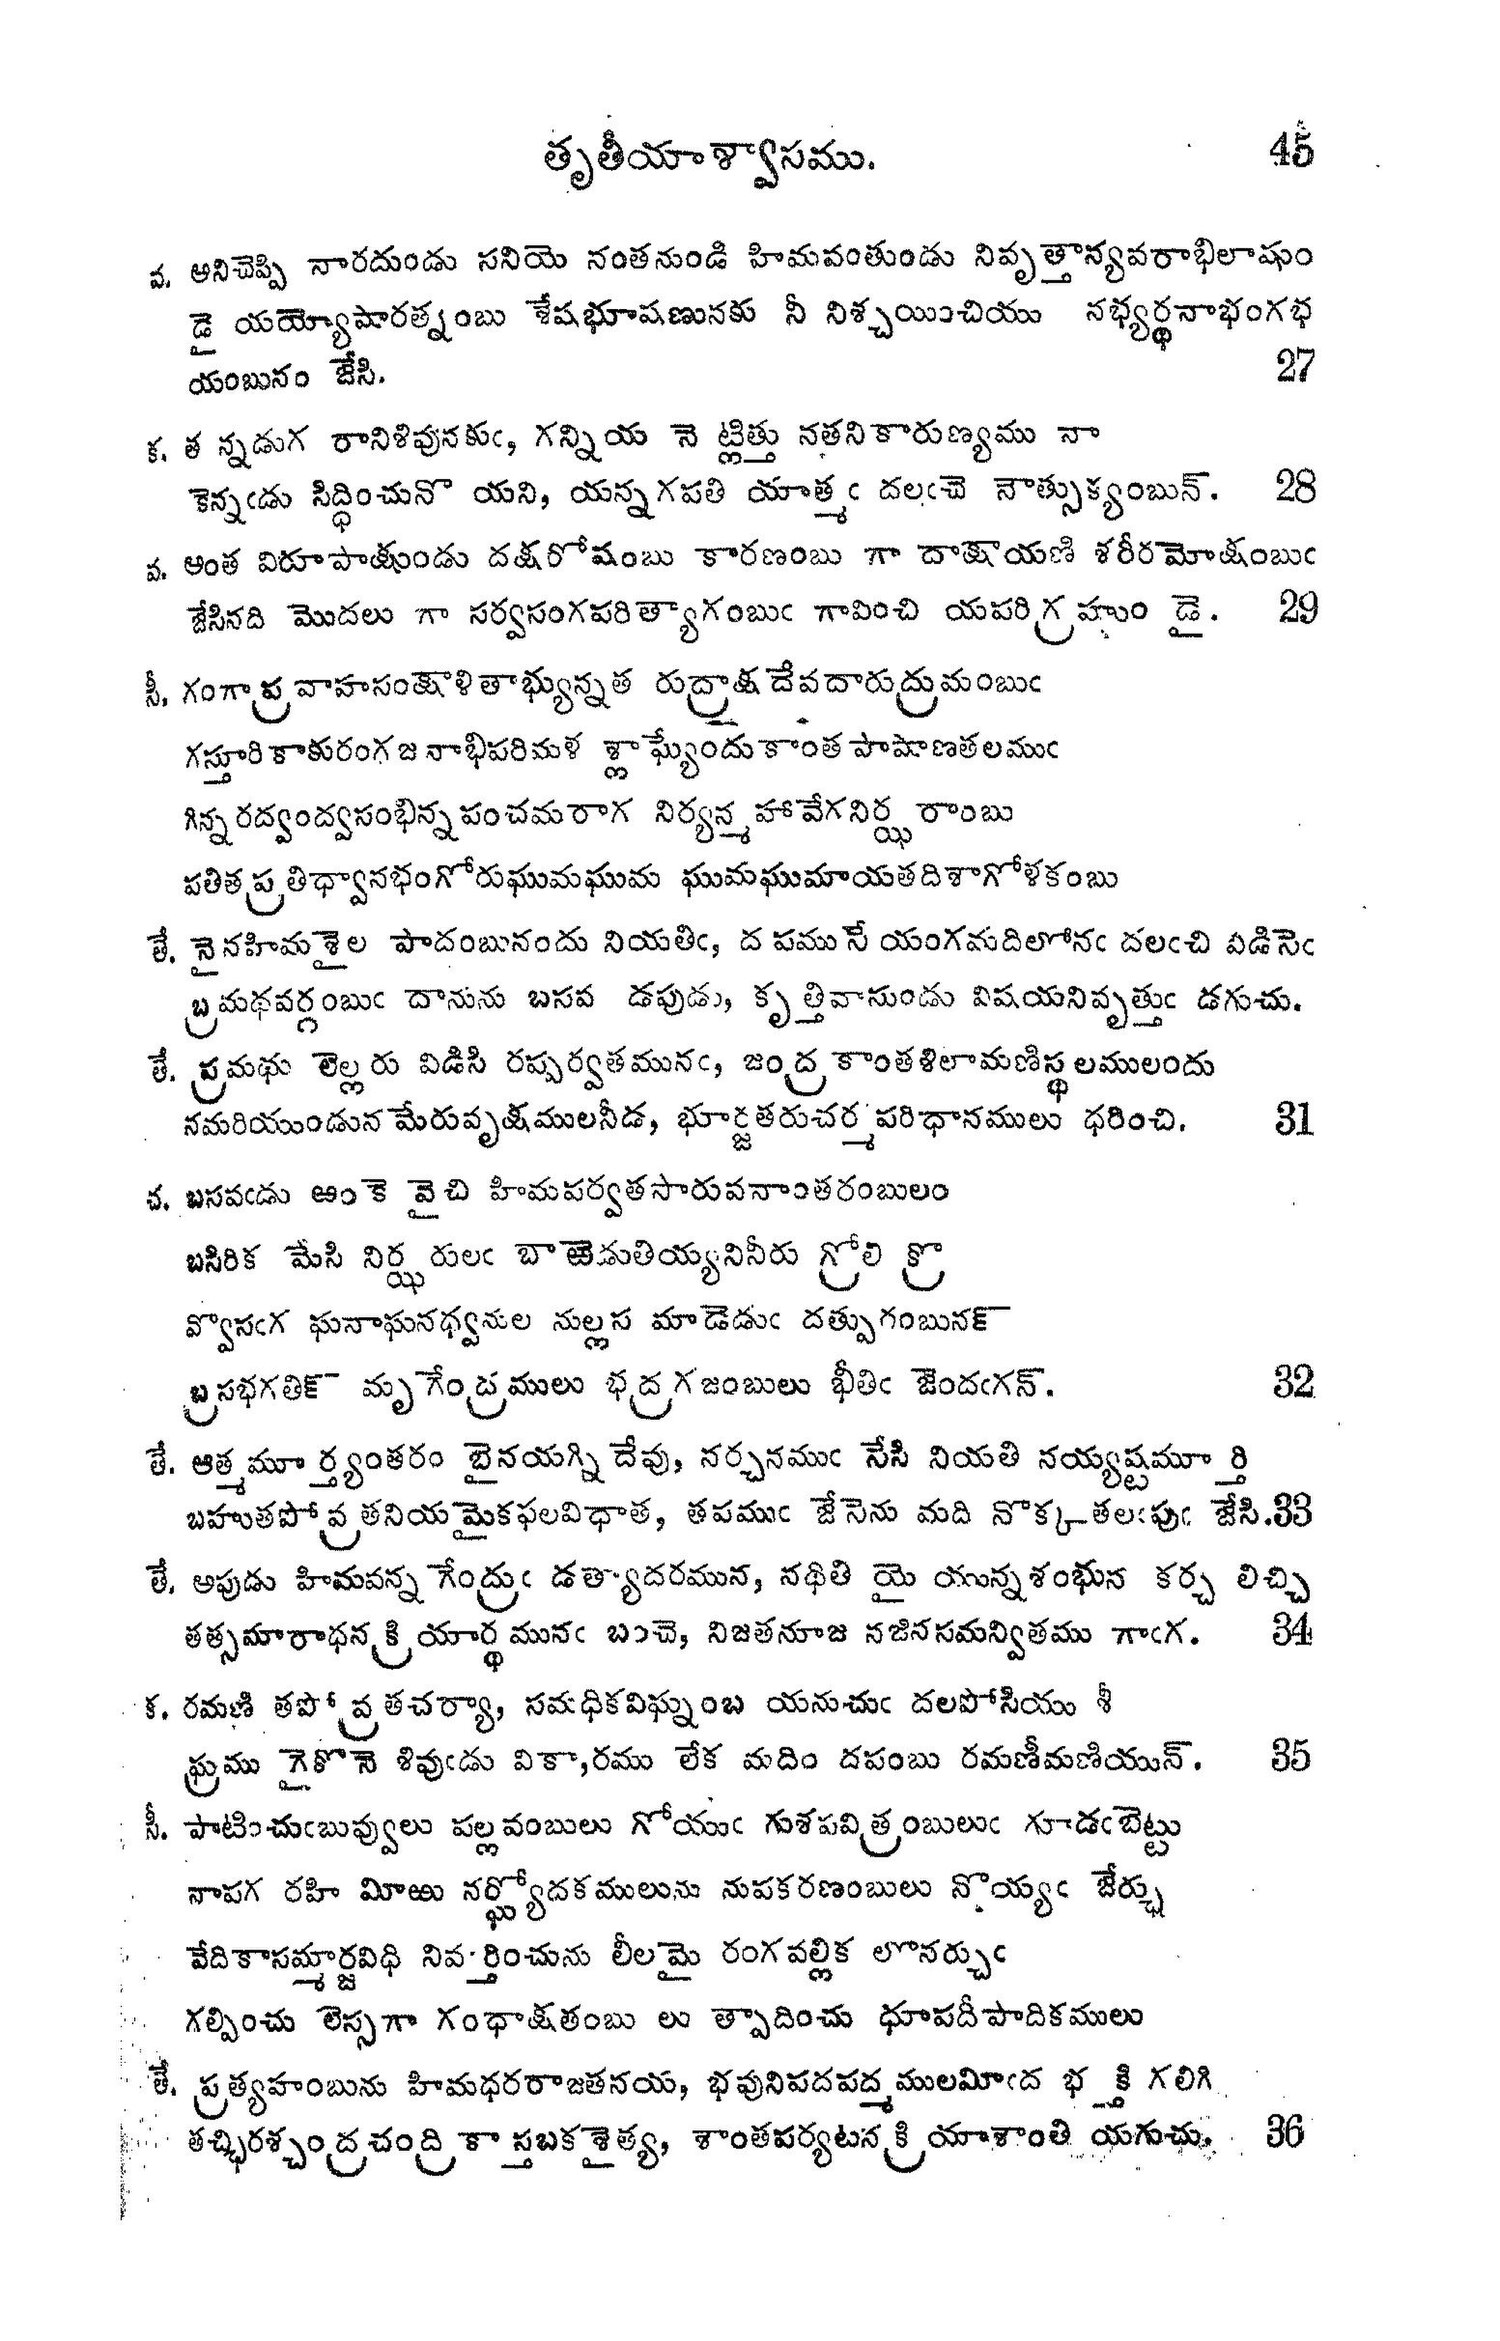వ. అని చెప్పి నారదుండు సనియె నంతనుండి హిమవంతుండు నివృత్తాన్యవరాభిలాషుండై యయ్యోషారత్నంబు శేషభూషణునకు నీ నిశ్చయించియు నభ్యర్థనాభంగభయంబునం జేసి. 27

క. త న్నడుగ రానిశివునకుఁ, గన్నియ నె ట్లిత్తు నతనికారుణ్యము నా
కెన్నఁడు సిద్ధించునొ యని, యన్నగపతి యాత్మఁ దలఁచె నౌత్సుక్యంబున్. 28

వ. అంత విరూపాక్షుండు దక్షరోషంబు కారణంబు గా దాక్షాయణి శరీరమోక్షంబుఁ
జేసినది మొదలు గా సర్వసంగపరిత్యాగంబుఁ గావించి యపరిగ్రహుండై. 29

సీ. గంగాప్రవాహసంక్షాళితాభ్యున్నత రుద్రాక్షదేవదారుద్రుమంబుఁ
గస్తూరికాకురంగజనాభిపరిమళ శ్లాఘ్యేందుకాంతపాషాణతలముఁ
గిన్నరద్వంద్వసంభిన్నపంచమరాగ నిర్యన్మహావేగనిర్ఘరాంబు
పతితప్రతిధ్వానభంగోరుఘుమఘుమ ఘుమఘుమాయతదిశాగోళకంబు 
తే. నైనహిమశైల పాదంబునందు నియతిఁ, దపము సేయంగ మదిలోనఁ దలఁచి విడిసెఁ
బ్రమథవర్గంబుఁ దానును బసవ డపుడు, కృత్తివాసుండు విషయనివృత్తుఁ డగుచు. 30

తే. ప్రమథు లెల్లరు విడిసి రప్పర్వతమునఁ, జంద్రకాంతశిలామణిస్థలములందు
నమరియుండునమేరువృక్షములనీడ, భూర్జతరుచర్మపరిధానములు ధరించి. 31

చ. బసవఁడు ఱంకె వైచి హిమపర్వతసారువనాంతరంబులం
బసిరిక మేసి నిర్ఝరులఁ బాఱెడుతియ్యనినీరు గ్రోలి క్రొ
వ్వొసఁగ ఘనాఘనధ్వనుల నుల్లస మాడెడుఁ దత్పురంబునన్
బ్రసభగతిన్ మృగేంద్రములు భద్రగజంబులు భీతిఁ జెందఁగన్. 32

తే. ఆత్మమూర్త్యంతరం బైనయగ్నిదేవు, నర్చనముఁ నేసి నియతి నయ్యష్టమూర్తి
బహుతపోవ్రతనియమైకఫలవిధాత, తపముఁ జేసెను మది నొక్క తలఁపుఁ జేసి. 33

తే. అపుడు హిమవన్నగేంద్రుఁ డత్యాదరమున, నతిథియై యున్న శంభున కర్చ లిచ్చి
తత్సమారాధనక్రియార్థమునఁ బంచె, నిజతనూజ నజినసమన్వితము గాఁగ. 34

క. రమణి తపోవ్రతచర్యా, సమధికవిఘ్నంబ యనుచుఁ దలపోసియు శీ
ఘ్రము గైకొనె శివుఁడు వికా, రము లేక మదిం దపంబు రమణీమణియున్. 35

సీ. పాటించుఁ బువ్వులు పల్లవంబులు గోయుఁ గుశపవిత్రంబులుఁ గూడఁబెట్టు
నాపగ రహి మీఱు నర్ఘ్యోదకములును నుపకరణంబులు నొయ్యఁ జేర్చు
వేదికాసమ్మార్జవిధి నివర్తించును లీలమై రంగవల్లిక లొనర్చుఁ
గల్పించు లెస్సగా గంధాక్షతంబు లుత్పాదించు ధూపదీపాదికములు
తే. ప్రత్యహంబును హిమధరరాజతనయ, భవునిపదపద్మములమీఁద భక్తి గలిగి
తచ్ఛిరశ్చంద్రచంద్రికాస్తబకశైత్య, శాంతపర్యటనక్రియాశాంతి యగుచు. 36